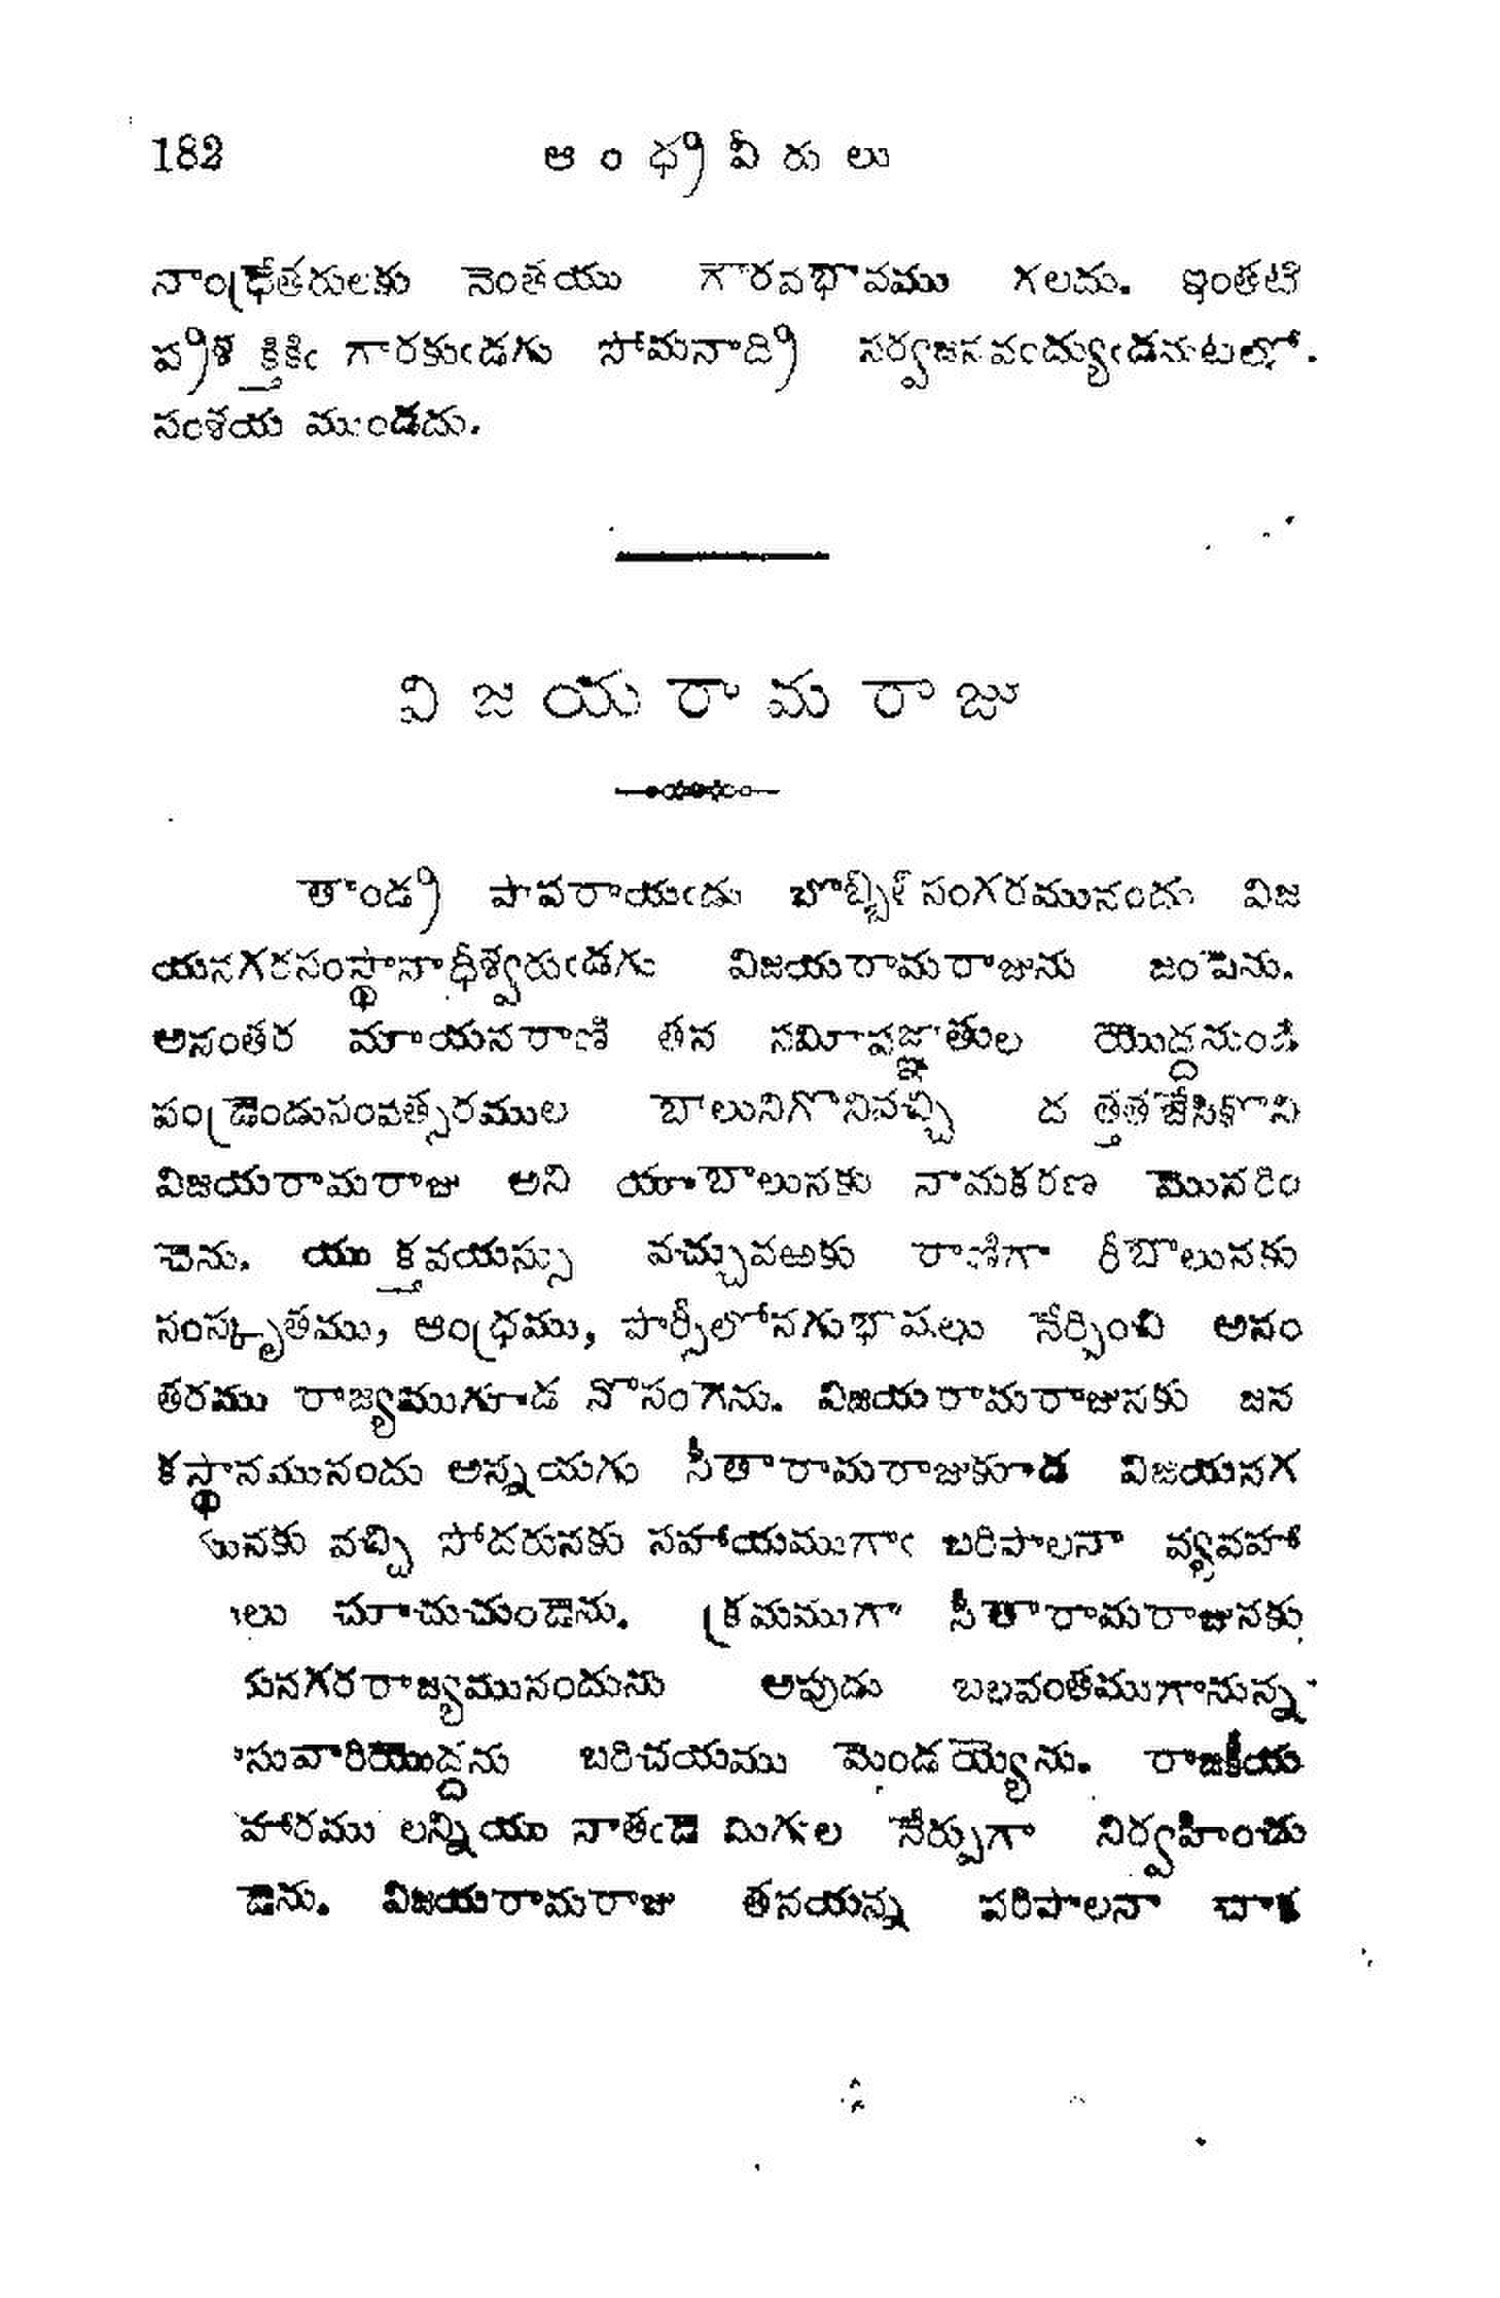నాంధ్రేతరులకు నెంతయు గౌరవభావము గలదు. ఇంతటి ప్రశక్తికి గారకుడగు సోమనాద్రి సర్వజనవంద్యుడనుటలో సంశయ ముండదు.

_________

తాండ్ర పాపరాయుడు బొబ్బిలిసంగరమునందు విజయనగర సంస్థానాధీశ్వరుడగు విజయరామరాజును జంపెను. అనంతర మాయనరాణి తన సమీపజ్ఞాతుల యొద్దనుండి పండ్రెండుసంవత్సరముల బాలునిగొనివచ్చి దత్తతజేసికొని విజయరామరాజు అని యాబాలునకు నామకరణ మొనరించెను. యుక్తవయస్సు వచ్చువఱకు రాణిగా రీబాలునకు సంస్కృతము, ఆంధ్రము, పార్సీలోనగుభాషలు నేర్పించి అనంతరము రాజ్యముగూడ నొసంగెను. విజయరామరాజునకు జనకస్థానము నందు అన్నయగు సీతారామరాజు కూడ విజయనరమునకు వచ్చి సోదరునకు సహాయముగా బరిపాలనా వ్యవహారములు చూచుచుండెను. క్రమముగా సీతారామరాజునకు విజయనగరరాజ్యము నందును అపుడు బలవంతముగా నున్న --- సువారియొద్దను బరిచయము మెండయ్యెను. రాజకీయ వ్యవహారము లన్నియు నాతడె మిగుల నేర్పుగా నిర్వహించుచుండెను. విజయరామరాజు తనయన్న పరిపాలనా చాక